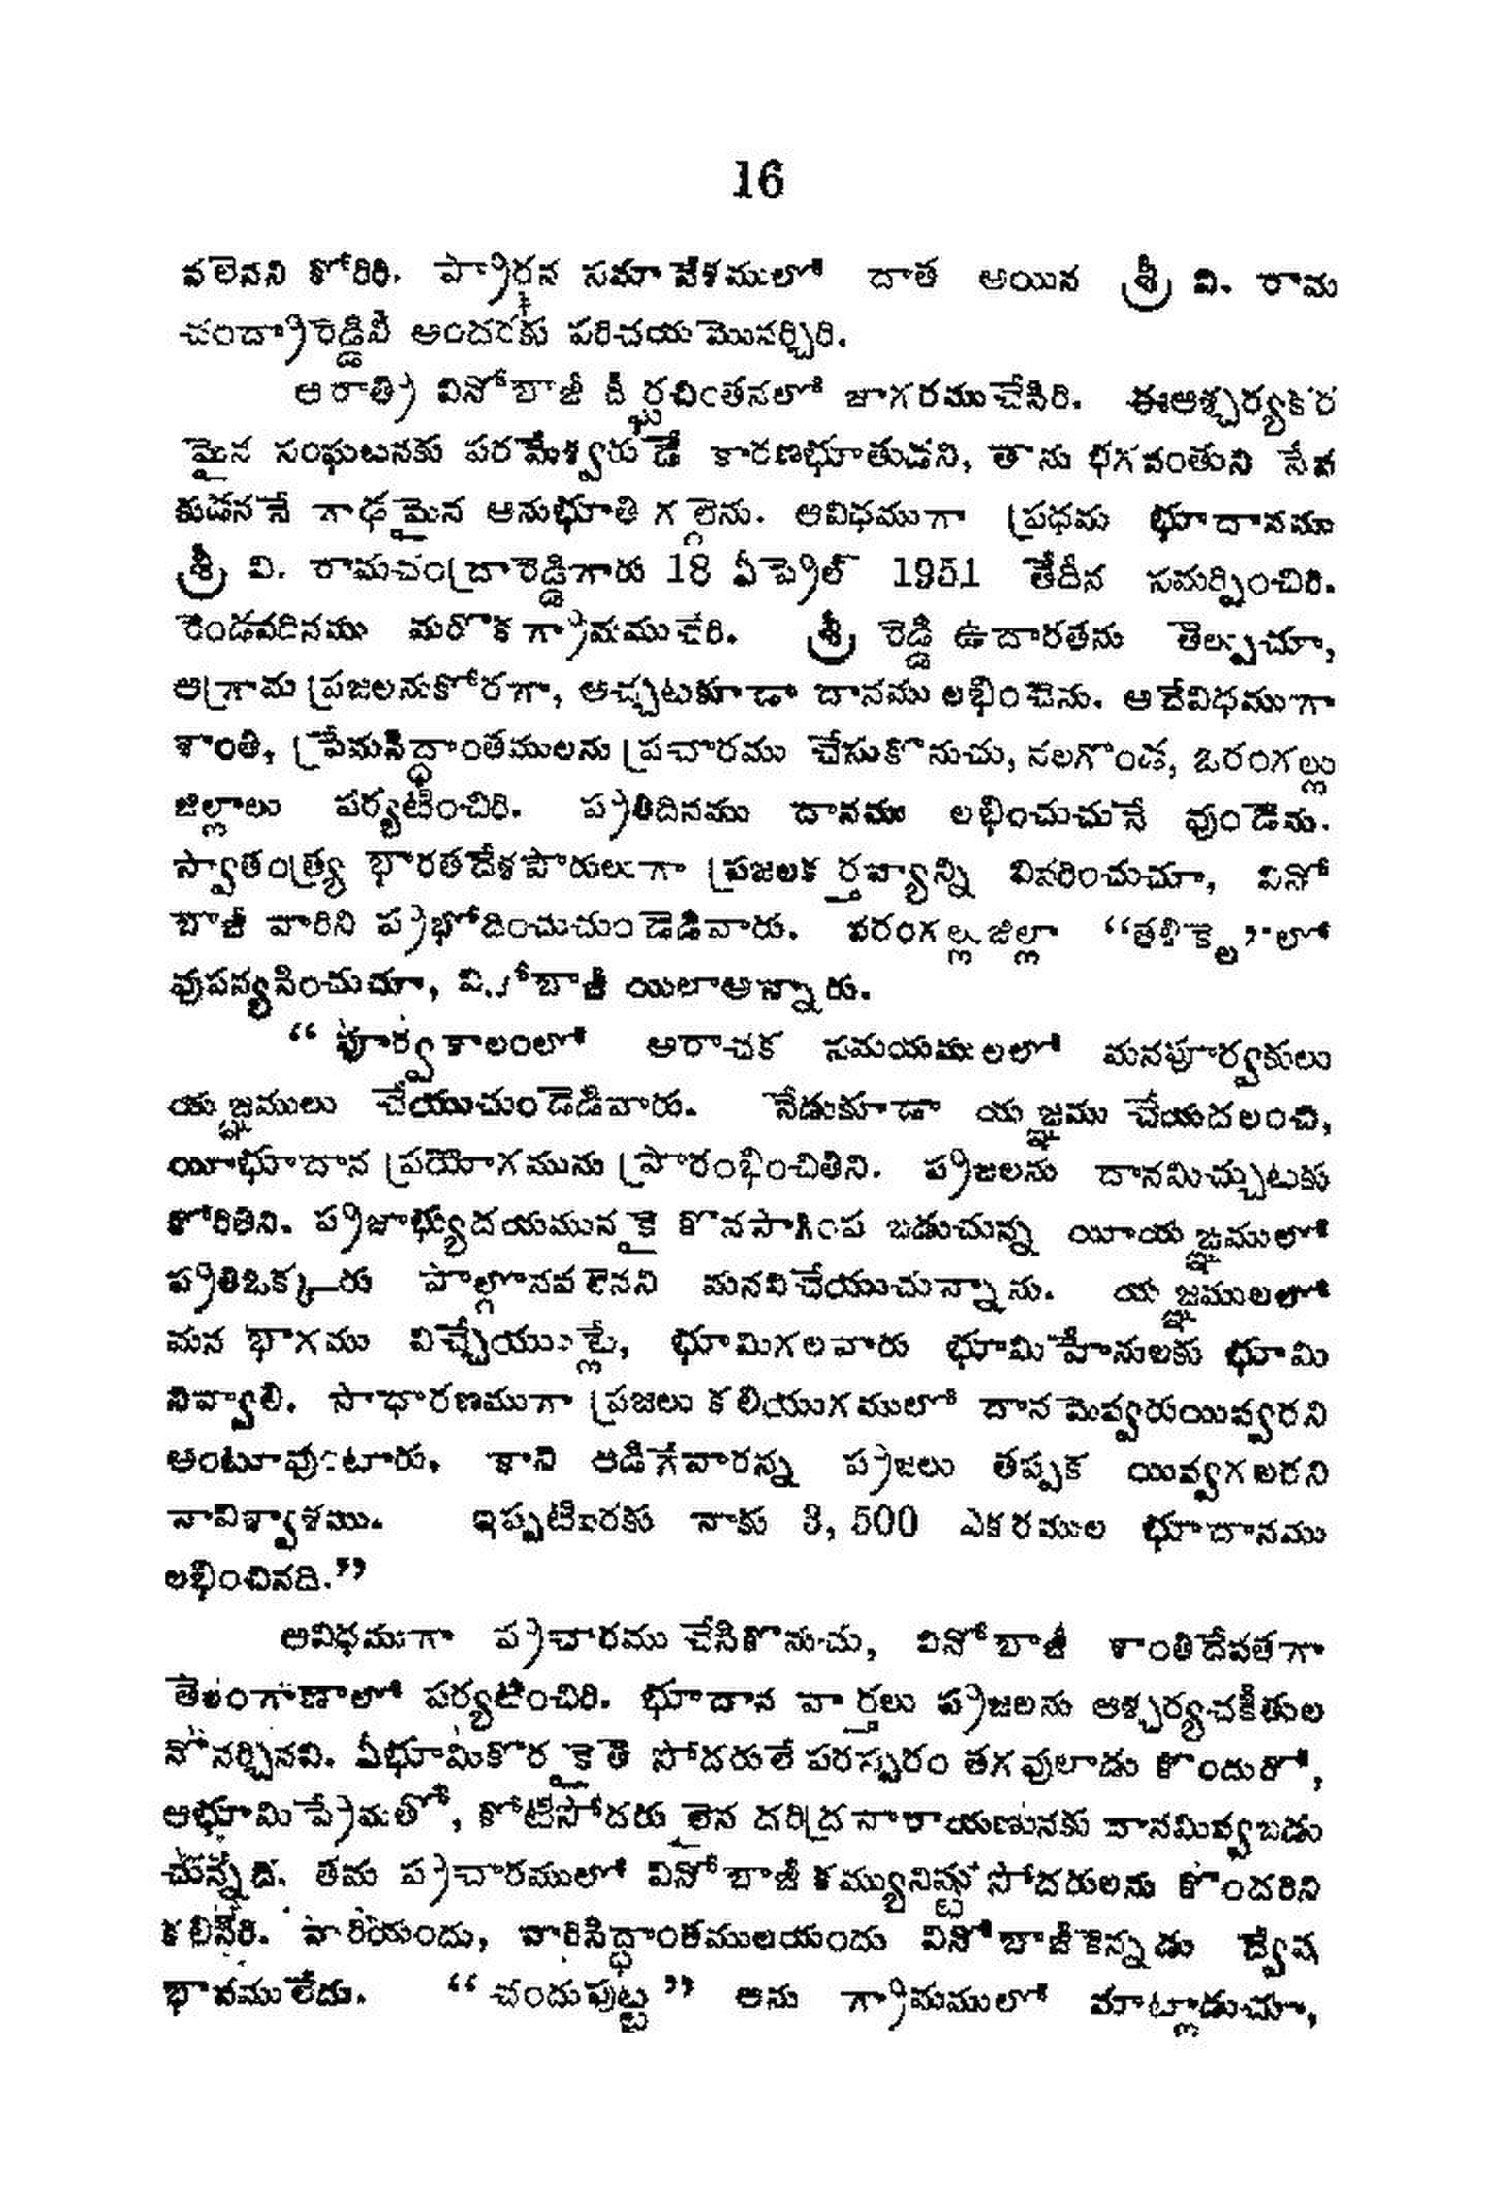వలెనని కోరిరి. ప్రార్థన సమావేశములో దాత అయిన శ్రీ వి. రామచంద్రారెడ్డిని అందరకు పరిచయ మొనర్చిరి.

ఆరాత్రి వినోబాజీ దీర్ఘచింతనలో జాగరముచేసిరి. ఈఆశ్చర్యకర మైన సంఘటనకు పరమేశ్వరుడే కారణభూతుడని, తాను భగవంతుని సేవకుడననే గాఢమైన అనుభూతి గల్గెను. ఆవిధముగా ప్రధమ భూదానము శ్రీ వి. రామచంద్రారెడ్డిగారు 18 ఏప్రిల్ 1951 తేదీన సమర్పించిరి. రెండవదినము మరొక గ్రామముచేరి. శ్రీ రెడ్డి ఉదారతను తెల్పుచూ, ఆగ్రామ ప్రజలనుకోరగా, అచ్చటకూడా దానము లభించెను. ఆదేవిధముగా శాంతి, ప్రేమసిద్దాంతములను ప్రచారము చేసుకొనుచు, నలగొండ, ఒరంగల్లు జిల్లాలు పర్యటించిరి. ప్రతిదినము దానము లభించుచునే వుండెను. స్వాతంత్ర్య భారతదేశపౌరులుగా ప్రజలకర్తవ్యాన్ని వివరించుచూ, వినోబాజీ వారిని ప్రభోదించుచుండెడివారు. వరంగల్లుజిల్లా "తళికెల"లో వుపన్యసించుచూ, వినోబాజీ యిలాఅన్నారు..

"పూర్వకాలంలో అరాచక సమయములలో మనపూర్వకులు యజ్ఞములు చేయుచుండెడివారు. నేడుకూడా యజ్ఞము చేయదలంచి, యీభూదాన ప్రయోగమును ప్రారంభించితిని. ప్రజలను దానమిచ్చుటకు కోరితిని, ప్రజాభ్యుదయమునకై కొనసాగింప బడుచున్న యీయజ్ఞములో ప్రతిఒక్కరు పాల్గొనవలెనని మనవిచేయుచున్నాను. యజ్ఞములలో మన భాగము విచ్చేయునట్లే, భూమిగలవారు భూమిహేనులకు భూమి నివ్వాలి. సాధారణముగా ప్రజలు కలియుగములో దానమెవ్వరుయివ్వరని అంటూవుంటారు. కాని ఆడిగేవారన్న ప్రజలు తప్పక యివ్వగలరని నావిశ్వాశము. ఇప్పటివరకు నాకు 3,500 ఎకరముల భూదానము లభించినది.”

అవిధముగా ప్రచారము చేసికొనుచు, వినోబాజీ శాంతిదేవతగా తెలంగాణాలో పర్యటించిరి. భూదాన వార్తలు ప్రజలను ఆశ్చర్యచకీతుల నొనర్చినవి. ఏభూమికొరకైతె సోదరులే పరస్పరం తగవులాడు కొందురో, ఆభూమిప్రేమతో, కోటిసోదరులైన దరిద్రనారాయణునకు దానమివ్వబడు చున్నది. తమ ప్రచారములో వినోబాజీ కమ్యునిష్టు సోదరులను కొందరిని కలిసిరి. వారియందు, వారిసిద్దాంతములయందు వినోబాజీకెన్నడు ద్వేషభావములేదు. "చందుపుట్ట” అను గ్రామములో మాట్లాడుచూ,